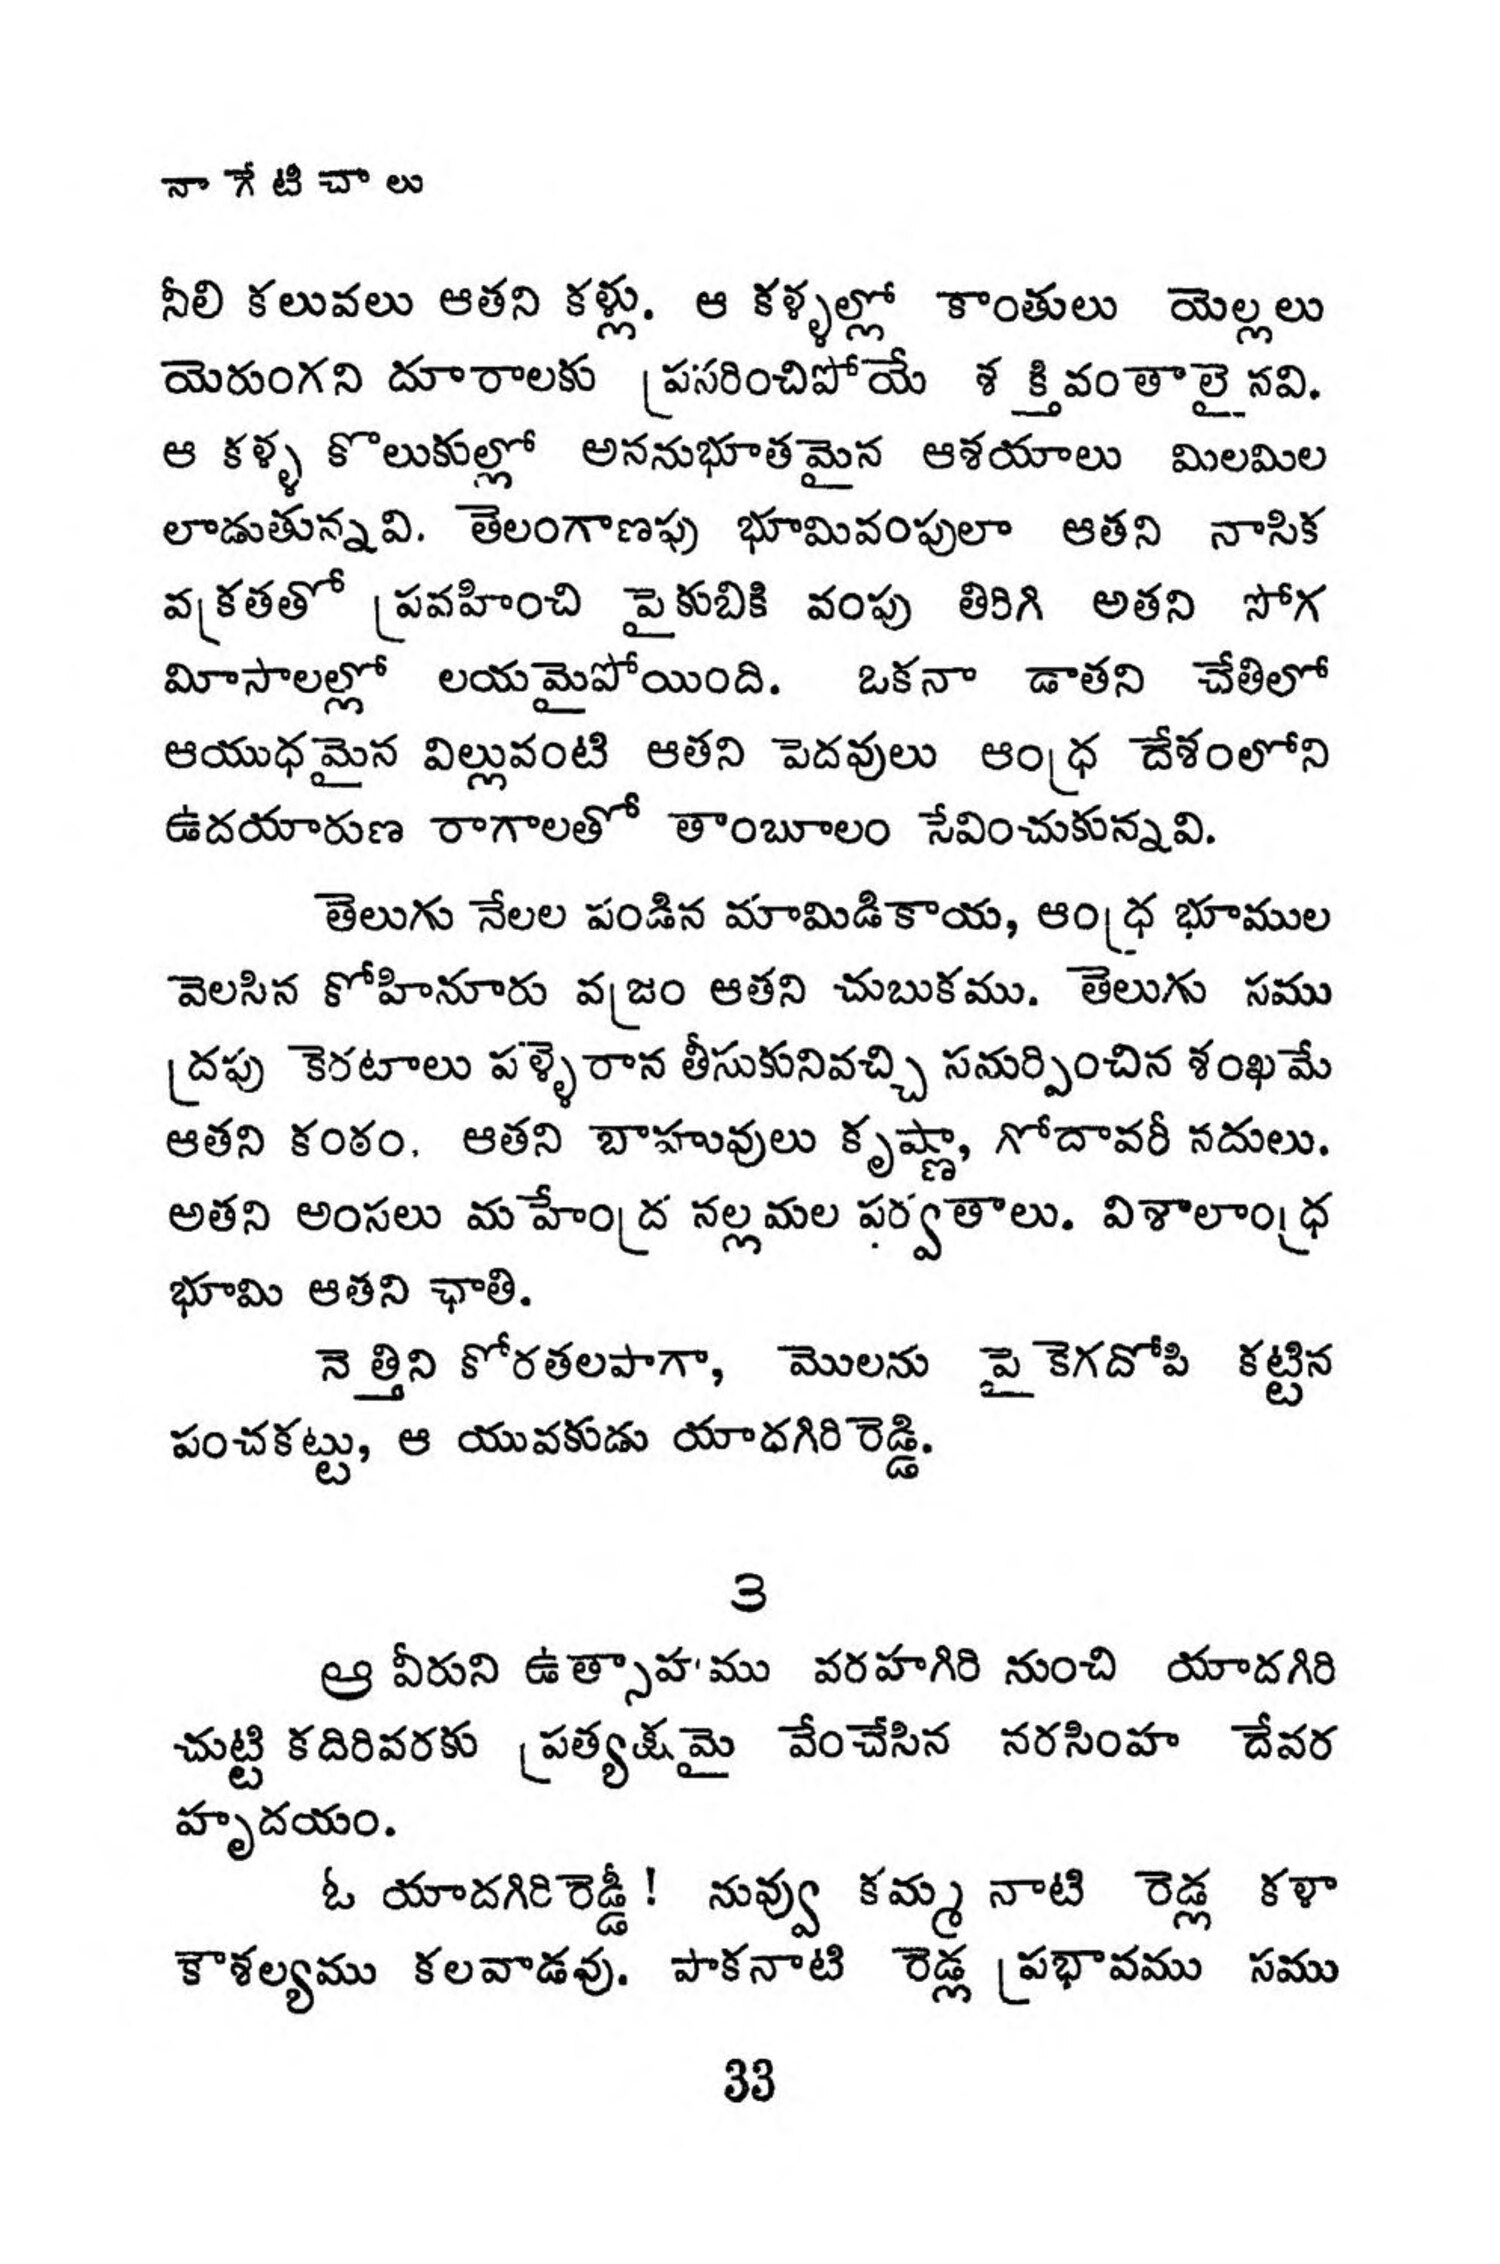నీలి కలువలు ఆతని కళ్లు. ఆ కళ్ళల్లో కాంతులు యెల్లలు యెరుంగని దూరాలకు ప్రసరించిపోయే శక్తివంతాలైనవి. ఆ కళ్ళ కొలుకుల్లో అననుభూతమైన ఆశయాలు మిలమిలలాడుతున్నవి. తెలంగాణపు భూమివంపులా అతని నాసిక వక్రతతో ప్రవహించి పైకుబికి వంపు తిరిగి అతని సోగ మీసాలల్లో లయమైపోయింది. ఒకనా డాతని చేతిలో ఆయుధమైన విల్లువంటి ఆతని పెదవులు ఆంధ్ర దేశంలోని ఉదయారుణ రాగాలతో తాంబూలం సేవించుకున్నవి.

తెలుగు నేలల పండిన మామిడికాయ, ఆంధ్ర భూముల వెలసిన కోహినూరు వజ్రం ఆతని చుబుకము, తెలుగు సముద్రపు కెరటాలు పళ్ళెరాన తీసుకునివచ్చి సమర్పించిన శంఖమే ఆతని కంఠం. ఆతని బాహువులు కృష్ణా, గోదావరీ నదులు. అతని అంసలు మహేంద్ర నల్లమల పర్వతాలు. విశాలాంధ్రభూమి ఆతని ఛాతి.

నెత్తిని కోరతలపాగా, మొలను పైకెగదోసి కట్టిన పంచకట్టు, ఆ యువకుడు యాదగిరి రెడ్డి.

3

ఆ వీరుని ఉత్సాహము వరహగిరి నుంచి యాదగిరి చుట్టి కదిరివరకు ప్రత్యక్షమై వేంచేసిన నరసింహ దేవర హృదయం.

ఓ యాదగిరిరెడ్డీ! నువ్వు కమ్మ నాటి రెడ్ల కళా కౌశల్యము కలవాడవు. పాకనాటి రెడ్ల ప్రభావము సము